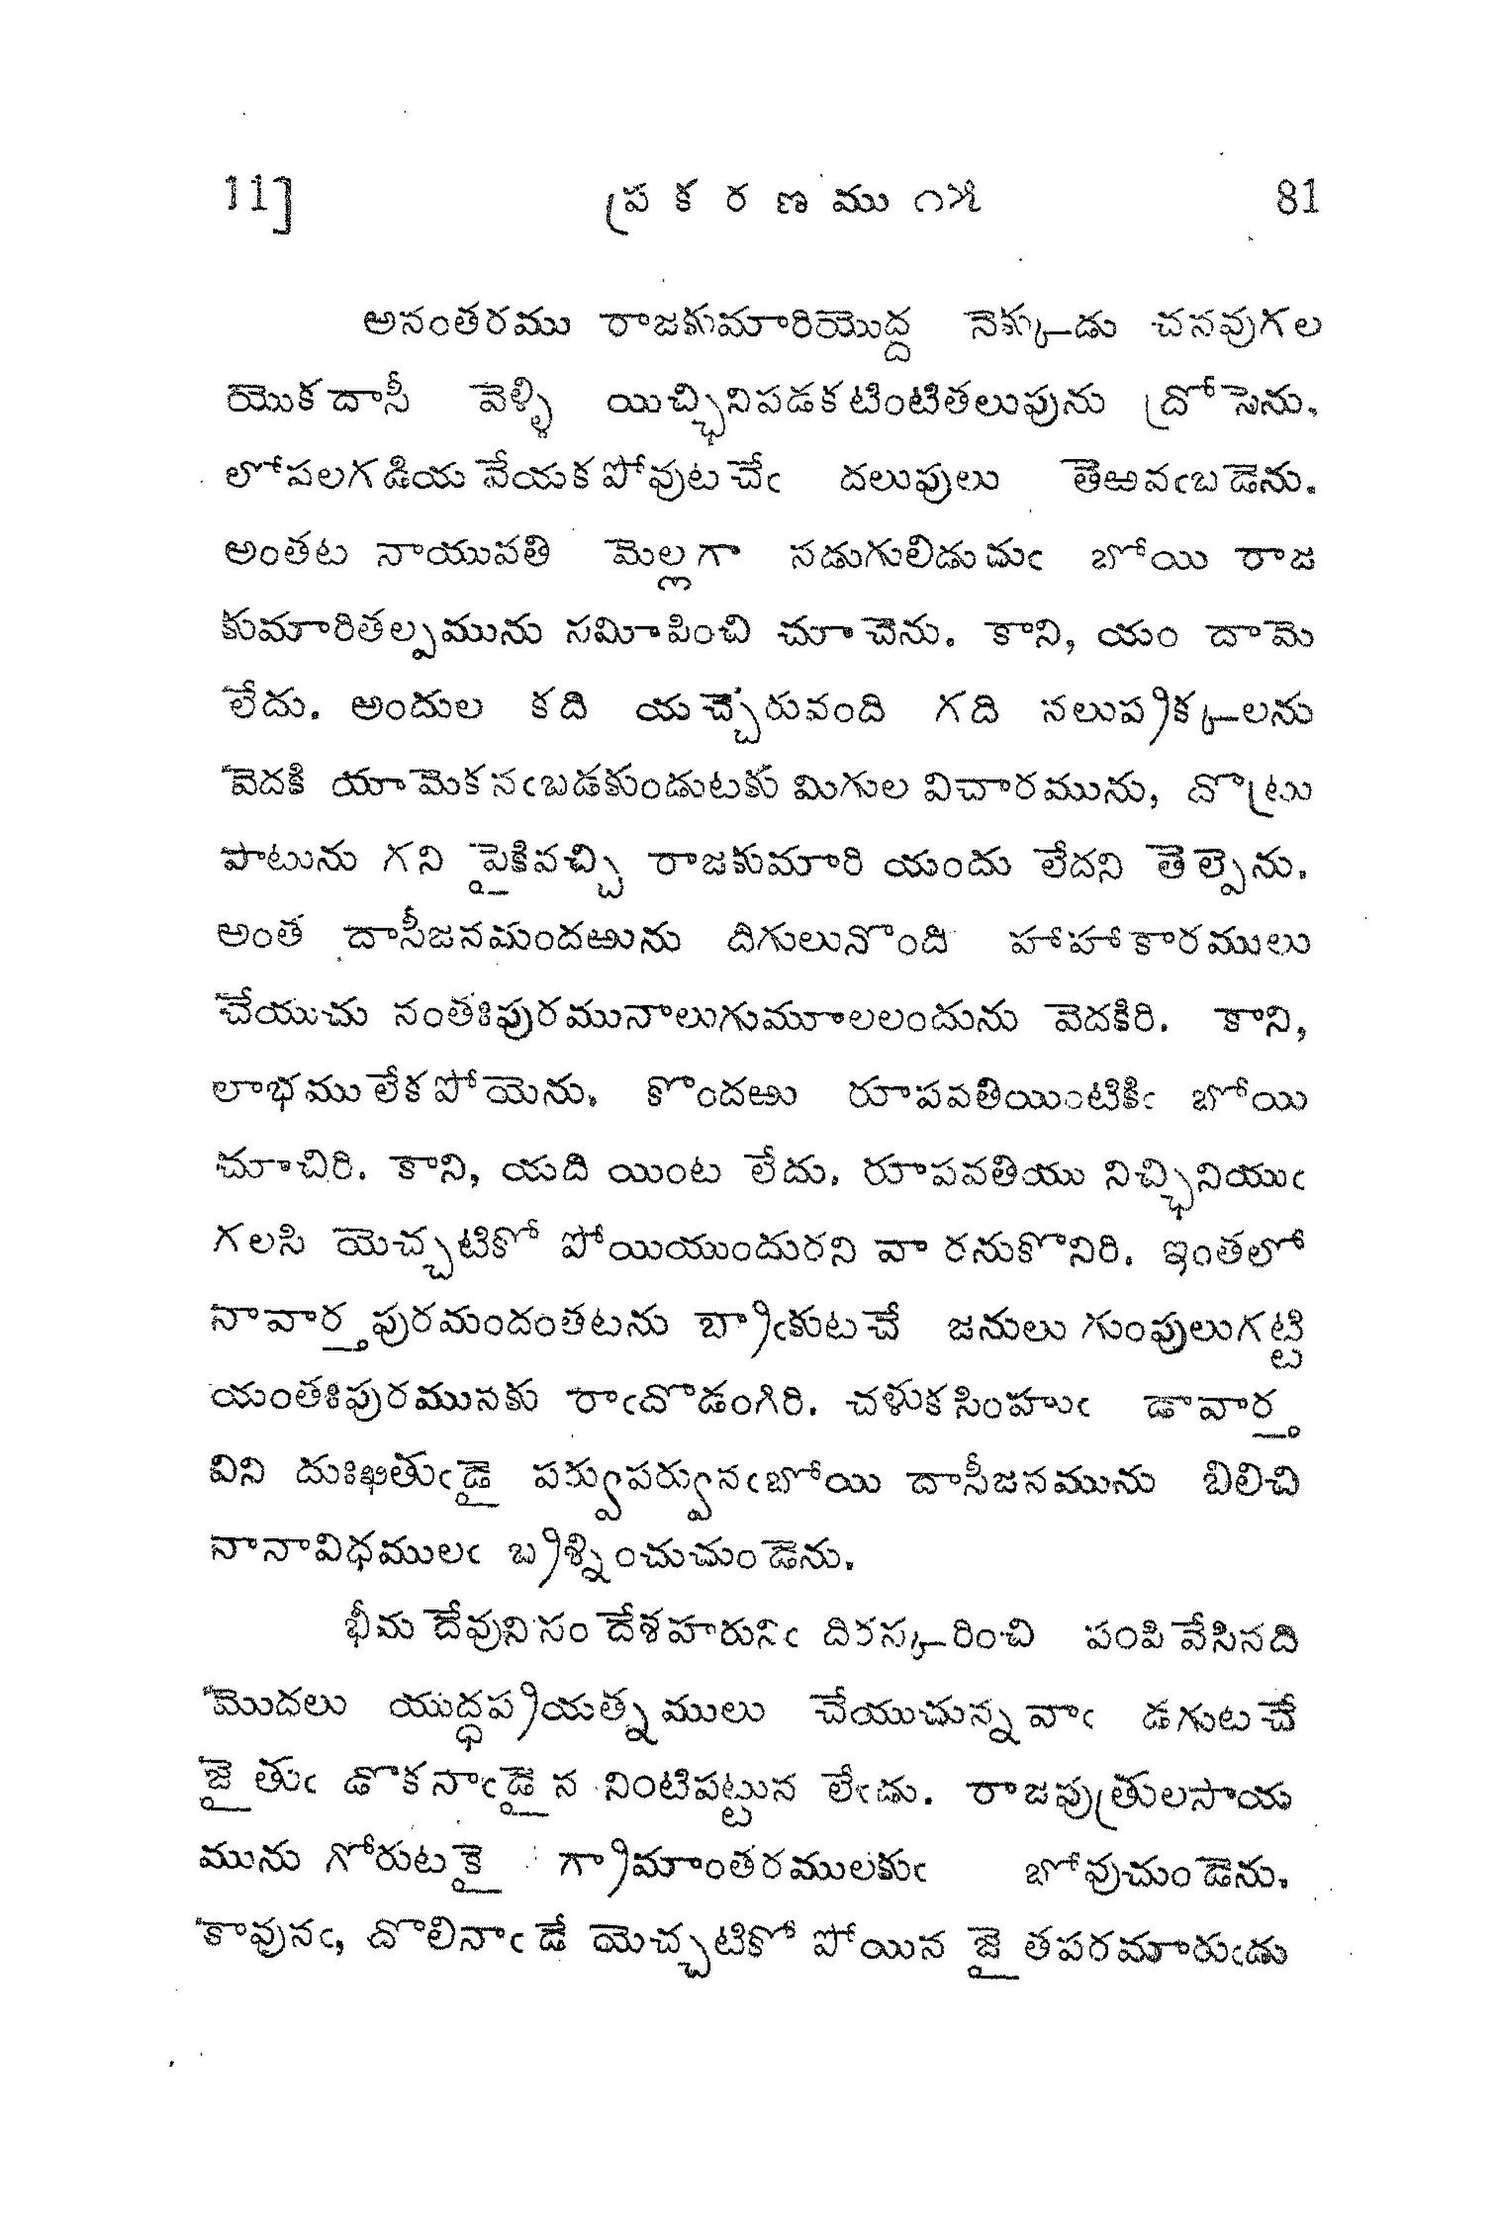అనంతరము రాజకుమారియొద్ద నెక్కుడు చనవుగల యొక దాసీ వెళ్ళి యిచ్చిని పడకటింటి తలుపును ద్రో సెను, లోపలగడియ వేయక పోవుటచేఁ దలుపులు తెఱవఁబడెను. అంతట నాయుపతి మెల్లగా సడుగులిడుచుఁ బోయి రాజు కుమారి తల్పమును సమీపించి చూచెను. కాని, యందామె లేదు. అందుల కది యచ్చెరువంది గది నలుపక్కలను “వెదకి యామెకనఁబడకుండుటకు మిగుల విచారమును, దొట్టు పాటును గని పైకి వచ్చి రాజకుమారి యందు లేదని తెల్పెను. అంత దాసీ జనమందును దిగులునొంది హాహాకారములు చేయుచు నంతఃపురమునాలుగుమూలలందును వెదకిరి. కాని, లాభము లేకపోయెను, కొందఱు రూపవతియింటికిఁ బోయి చూచిరి. కాని, యది యింట లేదు, రూపవతియు నిచ్ఛినియుఁ గలసి యెచ్చటికో పోయియుందురని వారనుకొనిరి. ఇంతలో నావార్త పురమందంతటను బాగుటచే జనులు గుంపులుగట్టి యంతఃపురమునకు రాఁదొడంగిరి. చళుక సింహుఁ డౌవార విని దుఃఖతుఁడై పర్వుపర్వున(బోయి దాసీజనమును బిలిచి నానావిధములఁ బ్రశ్నించుచుండెను.

భీమ దేవుని సం దేశహరునిఁ దిరస్కరించి పంపి వేసినది 'మొదలు యుద్ధప్రయత్నములు చేయుచున్న వాఁ డగుటచే జై తుఁ డొకసాఁడైన నింటి పట్టున లేఁడు. రాజపుత్రులసాయ మును గోరుటకై గ్రామాంతరములకు బోవుచుండెను, కావునఁ, దొలినాఁడే యెచ్చటికో పోయిన జై తపరమారుఁడు